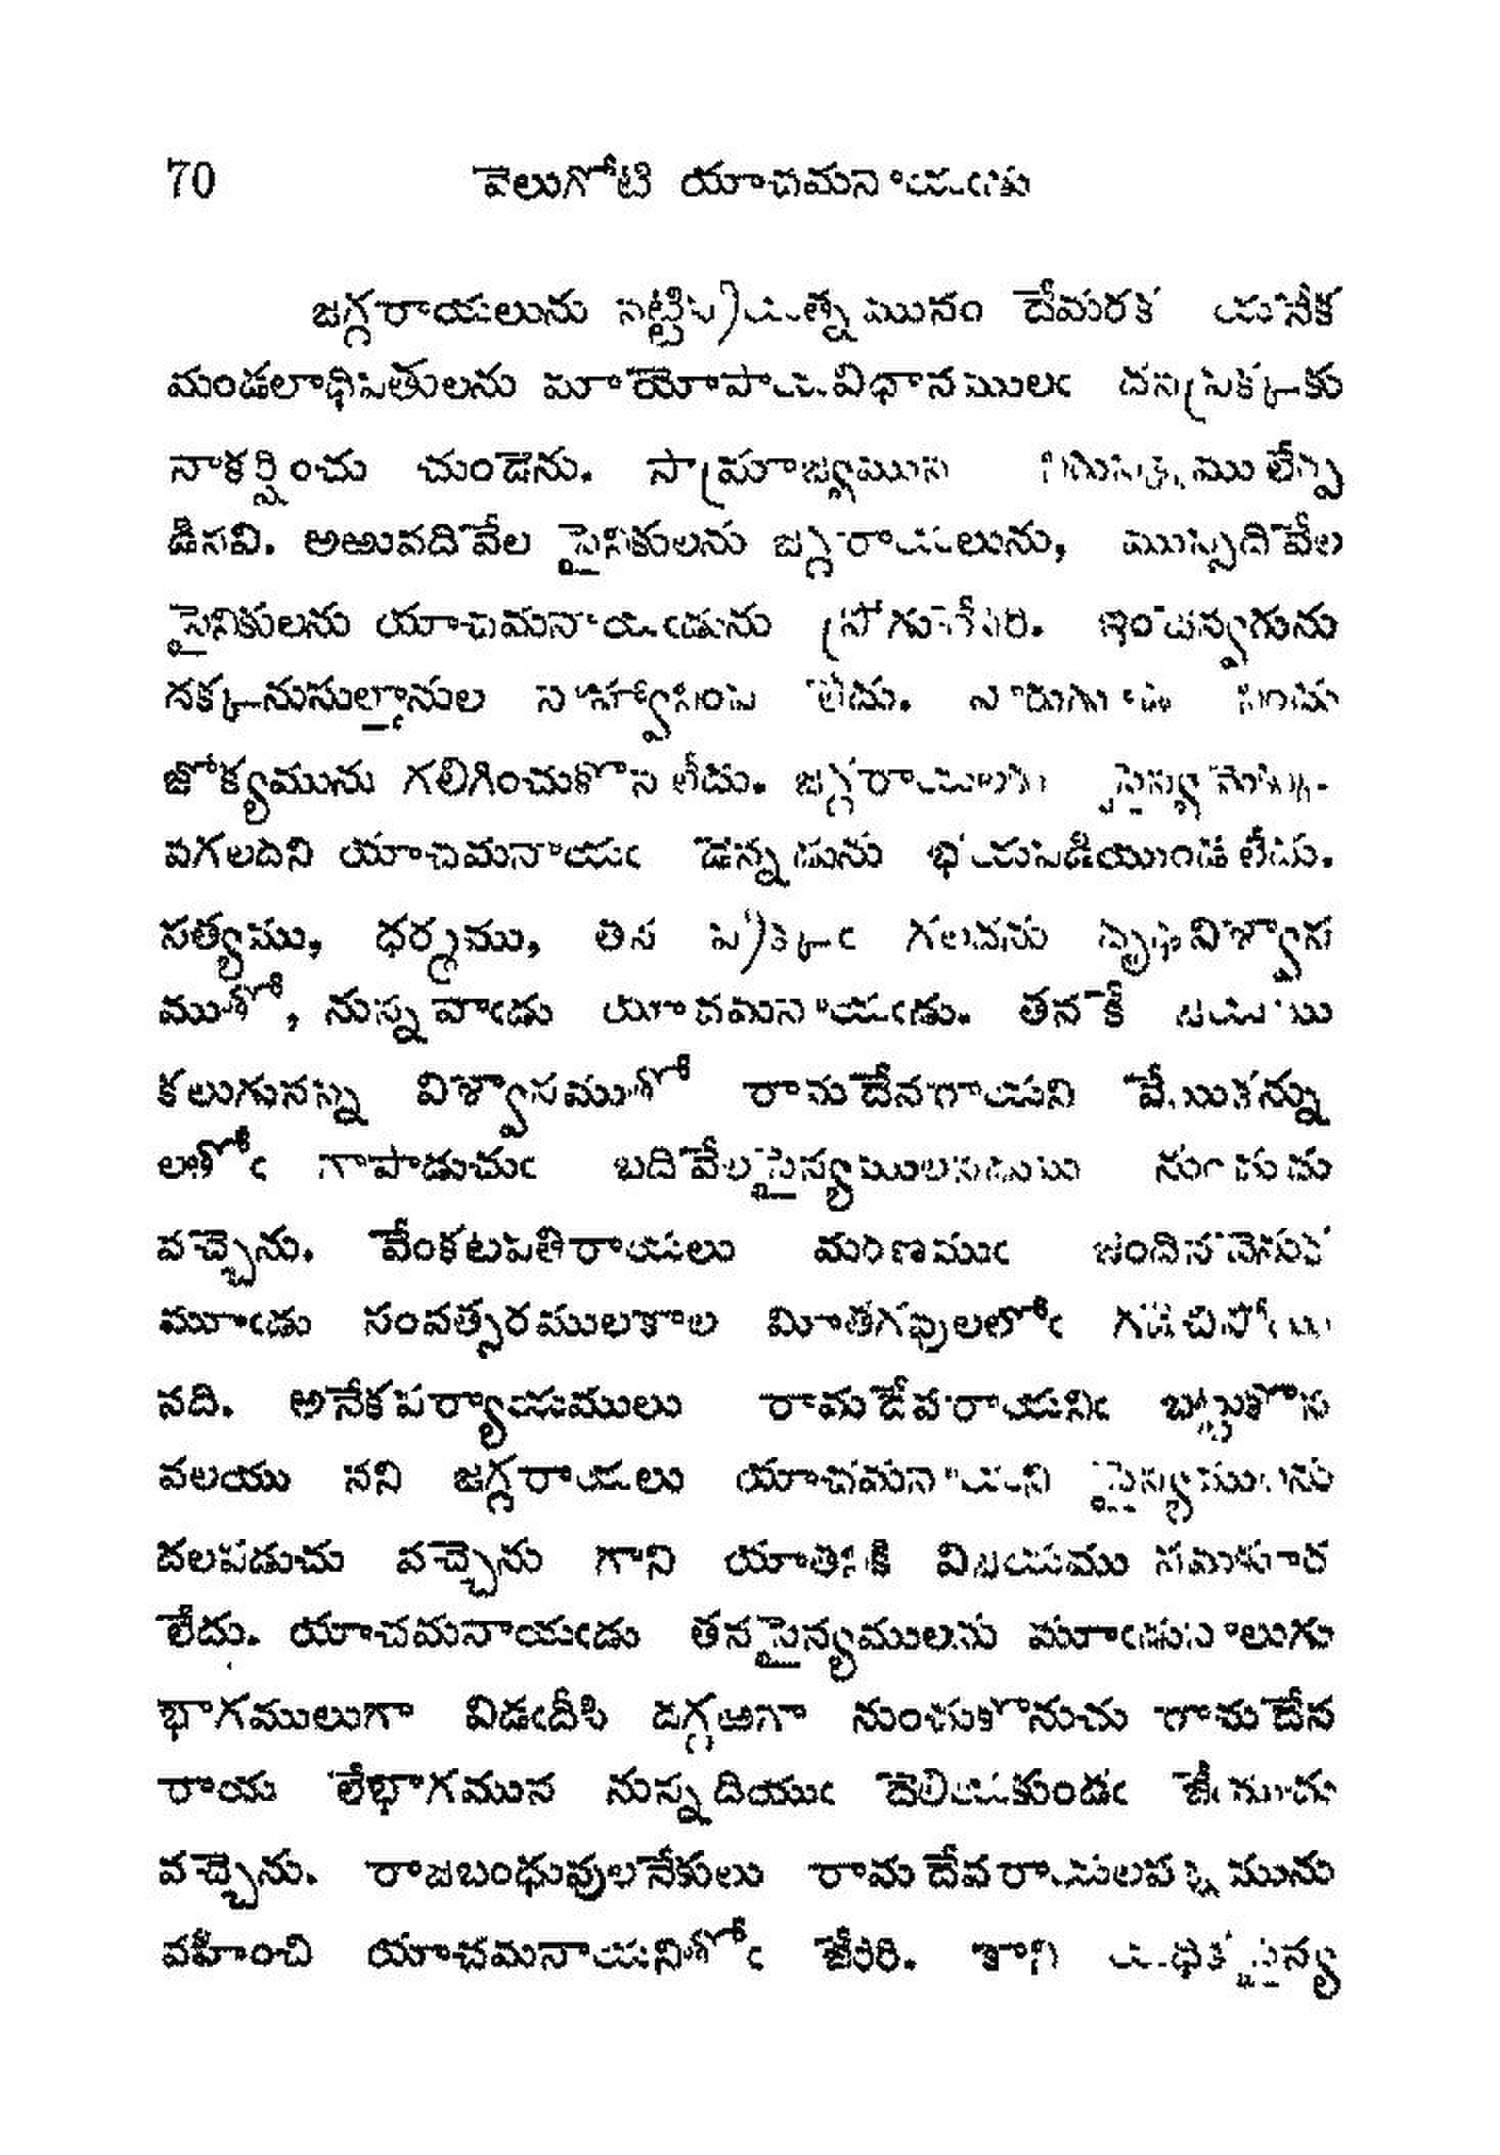జగ్గరాయలును నట్టిప్రయత్నమునం దేమరక యనేక మండలాధిపతులను మాయోపాయవిధానములఁ దనప్రక్కకు నాకర్షించు చుండెను. సామ్రాజ్యమున నిరుపక్షములేర్పడినవి. అఱువదివేల సైనికులను జగ్గరాయలును, ముప్పదివేల సైనికులను యాచమనాయఁడును ప్రోగుచేసిరి. ఇందెవ్వరును దక్కనుసుల్తానుల నాహ్వానింప లేదు. వారుగూడ నిందు జోక్యమును గలిగించుకొనలేదు. జగ్గరాయలకు సైన్యమెక్కువగలదని యాచమనాయఁ డెన్నడును భయపడియుండలేదు. సత్యము, ధర్మము, తన ప్రక్కఁ గలదను దృఢవిశ్వాసముతో, నున్నవాఁడు యాచమనాయఁడు. తనకే జయము కలుగునన్న విశ్వాసముతో రామదేవరాయని వేయికన్నులతోఁ గాపాడుచుఁ బదివేలసైన్యములనడుమ నుంచుచు వచ్చెను. వేంకటపతిరాయలు మరణముఁ జెందినవెనుక మూఁడు సంవత్సరములకాల మీతగవులలోఁ గడిచిపోయినది. అనేకపర్యాయములు రామదేవరాయనిఁ బట్టుకొన వలయు నని జగ్గరాయలు యాచమనాయని సైన్యములను దలపడుచు వచ్చెను గాని యాతనికి విజయము సమకూర లేదు. యాచమనాయఁడు తనసైన్యములను మూఁడునాలుగు భాగములుగా విడఁదీసి దగ్గఱగా నుంచుకొనుచు రామదేవరాయ లేభాగమున నున్నదియుఁ దెలియకుండఁ జేయుచు వచ్చెను. రాజబంధువులనేకులు రామదేవరాయలపక్షమును వహించి యాచమనాయనితోఁ జేరిరి. కాని యధిక సైన్య